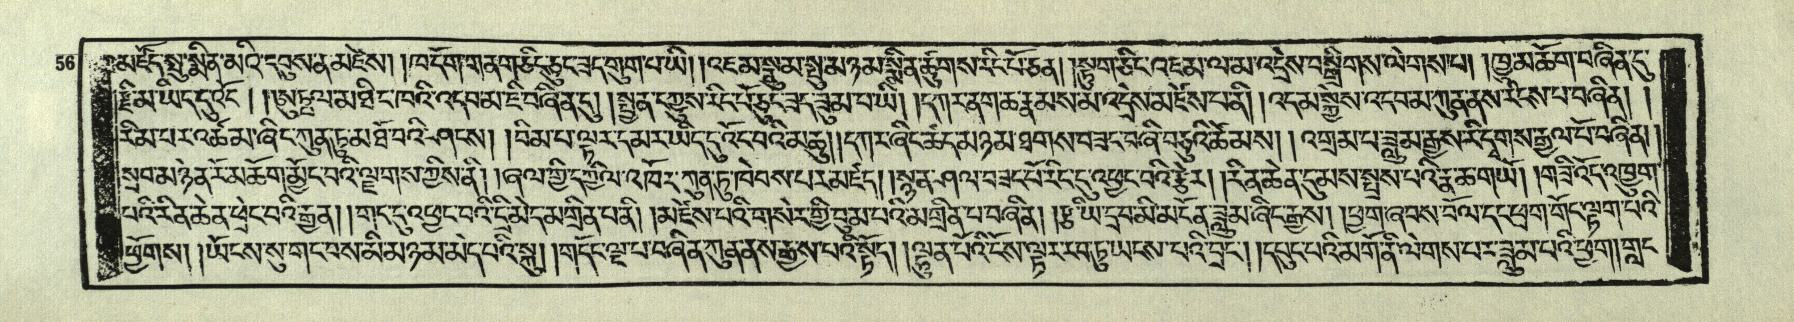མཛོད་སྤུ་སྨིན་མའི་དབུས་ན་མཛེས། །ཁ་དོག་གནག་ཅིང་ཅུང་ཟད་གུག་པ་ཡི། །འཇམ་སྣུམ་སྤུ་མཉམ་སྨིན་ཚུགས་རིང་པོ་ཅན། །སྟུག་ཅིང་འཇམ་ལ་མ་འདྲེས་བསྒྲིགས་ལེགས་པ། །ཁྱུ་མཆོག་བཞིན་དུ་
རྫི་མ་ཡིད་དུ་འོང་། །ཨུཏྤལ་མཐིང་ཁའི་འདབ་མ་ཇི་བཞིན་དུ། །སྤྱན་དཀྱུས་རིང་པོ་ཅུང་ཟད་ཟུམ་པ་ཡི། །དཀར་ནག་ཆ་རྣམས་མ་འདྲེས་མཛེས་པ་ནི། །འདམ་སྐྱེས་འདབ་མ་ཀུན་ནས་རིངས་པ་བཞིན། །
རིམ་པར་འཚམ་ཞིང་ཀུན་ཏུ་མཐོ་བའི་ཤངས། །བིམ་པ་ལྟར་དམར་ཡིད་དུ་འོང་བའི་མཆུ། །དཀར་ཞིང་ཚད་མཉམ་ཐགས་བཟང་བཞི་བཅུའི་ཚེམས། །འགྲམ་པ་ཟླུམ་རྒྱས་རི་དྭགས་རྒྱལ་པོ་བཞིན། །
སྲབ་མཉེན་རོ་མཆོག་མྱོང་བའི་ལྷགས་ཀྱིས་ནི། །ཞལ་གྱི་དཀྱིལ་འཁོར་ཀུན་ཏུ་ཁེབས་པར་མཛད། །སྙན་ཤལ་བཟང་པོ་རིང་དུ་འཕྱང་བའི་རྩེར། །རིན་ཆེན་དུ་མས་སྤྲས་པའི་རྣ་ཆ་གཡོ། །གཟི་འོད་འཁྱུག་
པའི་རིན་ཆེན་ཕྲེང་བའི་རྒྱན། །གང་དུ་འཕྱང་བའི་དྲི་མེད་མགྲིན་པ་ནི། །མཛེས་པའི་གསེར་གྱི་བུམ་པའི་མགྲིན་པ་བཞིན། །རྩ་ཡི་དྲ་བ་མི་མངོན་ཟླུམ་ཞིང་རྒྱས། །ཕྱག་ཞབས་བོལ་དང་ཕྲག་གོང་ལྟག་པའི་
ཕྱོགས། །ཡོངས་སུ་གང་བས་མི་མཉམ་མེད་པའི་སྐུ། །གདོང་ལྔ་པ་བཞིན་ཀུན་ནས་རྒྱས་པའི་སྟོད། །ལྷུན་པོའི་ངོས་ལྟར་རབ་ཏུ་ཡངས་པའི་བྲང་། །དཔུང་པའི་མགོ་ནི་ལེགས་པར་ཟླུམ་པའི་ཕྱག །གླང་